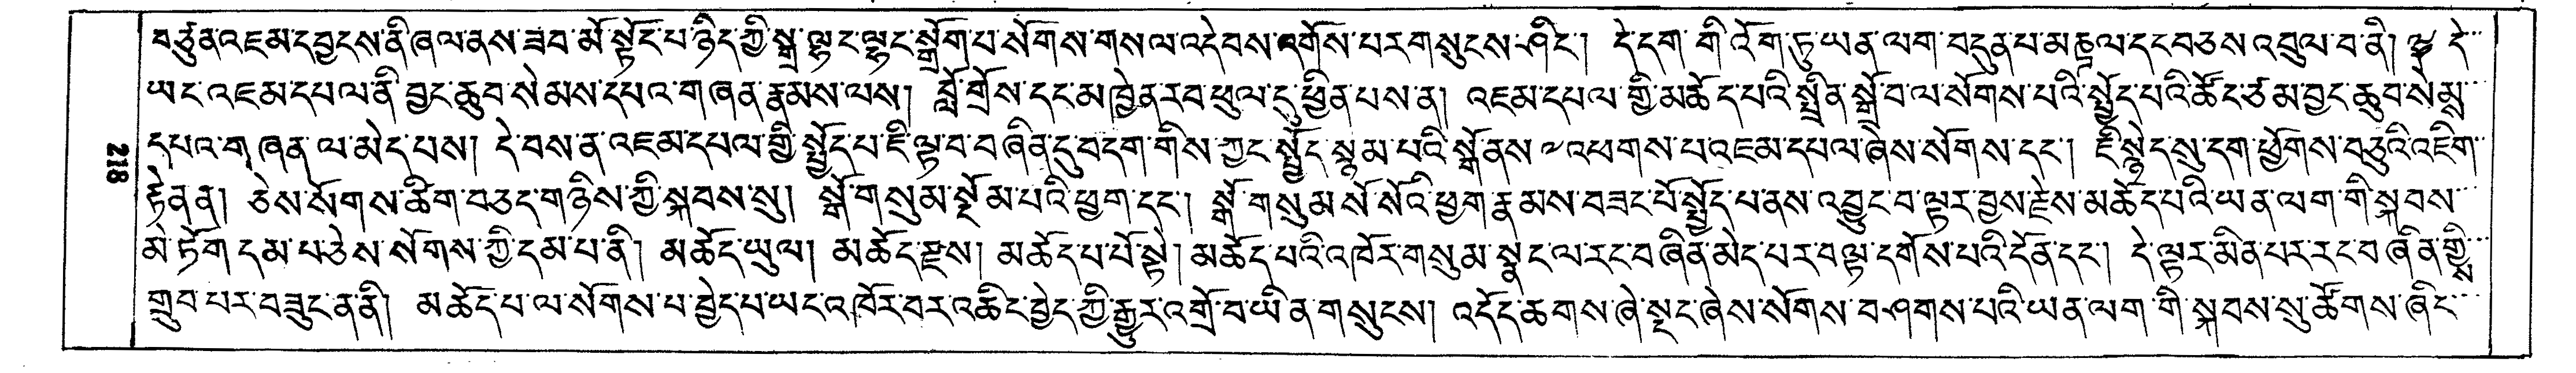བཙུན་འཇམ་དབྱངས་ནི་ཞལ་ནས་ཟབ་མོ་སྟོང་པ་ཉིད་ཀྱི་སྒྲ་ལྷང་ལྷང་སྒྲོག་པ་སོགས་གསལ་འདེབས་དགོས་པར་གསུངས་ཤིང་། དེ་དག་གི་འོག་ཏུ་ཡན་ལག་བདུན་པ་མཎྜལ་དང་བཅས་འབུལ་བ་ནི། ༈ དེ་
ཡང་འཇམ་དཔལ་ནི་བྱང་ཆུབ་སེམས་དཔའ་གཞན་རྣམས་ལས། བློ་གྲོས་དང་མཁྱེན་རབ་ཕུལ་དུ་ཕྱིན་པས་ན། འཇམ་དཔལ་གྱི་མཆོད་པའི་སྤྲིན་སྤྲོ་བ་ལ་སོགས་པའི་སྤྱོད་པའི་ཚོང་ཙམ་བྱང་ཆུབ་སེམས་
དཔའ་གཞན་ལ་མེད་པས། དེ་བས་ན་འཇམ་དཔལ་གྱི་སྤྱོད་པ་ཇི་ལྟ་བ་བཞིན་དུ་བདག་གིས་ཀྱང་སྤྱོད་སྙམ་པའི་སྒོ་ནས ༧འཕགས་པ་འཇམ་དཔལ་ཞེས་སོགས་དང་། ཇི་སྙེད་སུ་དག་ཕྱོགས་བཅུའི་འཇིག་
རྟེན་ན། ཅེས་སོགས་ཚིག་བཅད་གཉིས་ཀྱི་སྐབས་སུ། སྒོ་གསུམ་སྡོམ་པའི་ཕྱག་དང་། སྒོ་གསུམ་སོ་སའི་ཕྱག་རྣམས་བཟང་པོ་སྤྱོད་པ་ནས་འབྱུང་བ་ལྟར་བྱས་རྗེས་མཆོད་པའི་ཡན་ལག་གི་སྐབས་
མེ་ཏོག་དམ་པ་ཅེས་སོགས་ཀྱི་དམ་པ་ནི། མཆོད་ཡུལ། མཆོད་རྫས། མཆོད་པ་པོ་སྟེ། མཆོད་པའི་འཁོར་གསུམ་སྣང་ལ་རང་བཞིན་མེད་པར་བལྟ་དགོས་པའི་དོན་དང་། དེ་ལྟར་མིན་པར་རང་བཞིན་གྱིས་
གྲུབ་པར་བཟུང་ན་ནི། མཆོད་པ་ལ་སོགས་པ་བྱེད་པ་ཡང་འཁོར་བར་འཆིང་བྱེད་ཀྱི་རྒྱུར་འགྲོ་བ་ཡིན་གསུངས། འདོད་ཆགས་ཞེ་སྡང་ཞེས་སོགས་བཤགས་པའི་ཡན་ལག་གི་སྐབས་སུ་ཚོགས་ཞིང་